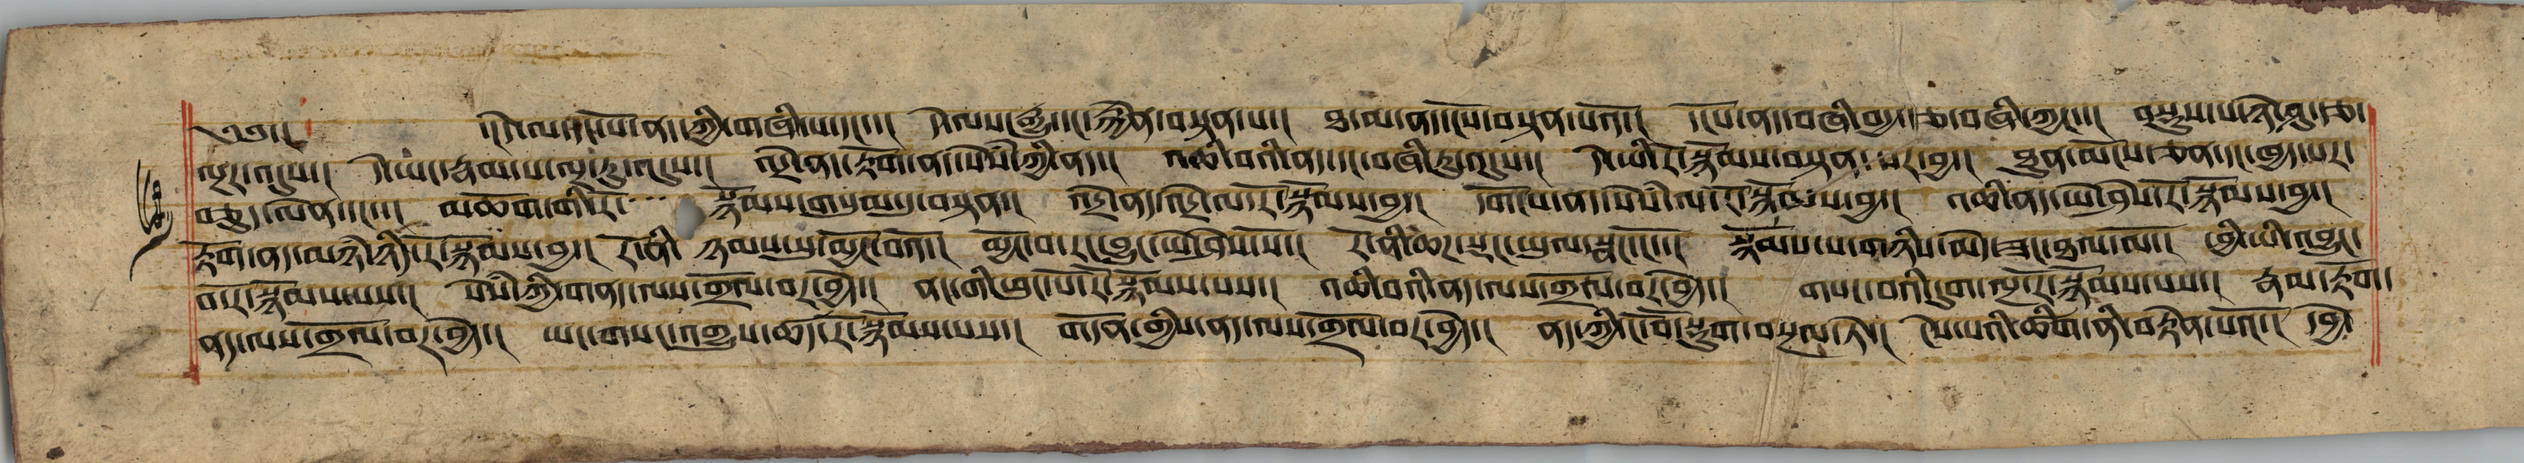༄༅་། ་།དེ་ལ་དང་པོ་ནད་ཀྱི་གཞི་ས་དང་་། དེ་ལས་རྒྱུ་དང་རྐྱེན་བསྟན་པ་། ཐ་མ་ནད་དངོས་བསྟན་པའོ་། དངོས་ནད་བཞི་བདྱད་རྩ་བཞི་ཀྱང་་། བསྡུས་པ་ཉེ་ཤུ་རྩ་
ལྔར་འདུས་། དེ་ཡང་རྣམ་པ་ལྔ་རུ་འདུས་། འདྲེ་ནད་རྟོག་ན་སེཾས་ཀྱི་ནད་། འཚེ་བའི་ནད་དང་བཞིན་ཏུ་འདུས་། དེ་ཡི་རོ་སྙོམས་བསྟན་པར་བྱ་། ཐུན་མོངས་ཅན་དང་ཁྱད་པར་
བཅུད་ལེན་དང་་། མཆོག་གི་རོ་ སྙོམས་གསུམ་དུ་བསྟན་། འདྲེ་ནད་འདྲེ་ལ་རོ་སྙོམས་བྱ་། དགོངས་ནད་སེཾས་ལ་རོ་སྙོམས་བྱ་། འཆི་ནད་ཡེ་ཤེས་རོ་སྙོམས་བྱ་།
རྟོག་ནད་མཉཾ་ཉིད་རོ་སྙོམས་བྱ་། རོ་ནི་ཉམས་སུ་མྱོང་བའོ་། མྱོང་བ་རང་བྱུང་ཡེ་ཤེས་སོ་། རོ་ནི་ཆཌ་སྡང་ཡུལ་སྣང་ངོ་། སྙོམས་པ་གཉིས་མེད་ཟང་ཐལ་མ་། ཕྱི་ཡི་འབྱུང་
བ་རོ་སྙོམས་པས་། སེསཾ་ཀྱི་གནད་ལས་གྲོལ་བར་བྱེད་། ནང་གི་ཕུང་པོ་རོ་སྙོམས་པས་། འཆི་བའི་ནད་ལས་གྲོལ་བར་བྱེད་། གསང་བའི་དུག་ལྔ་རོ་སྙོམས་པས་། རྣམ་རྟོག་
ནད་ལས་གྲོལ་བར་བྱེད་། ཡང་གསང་འགྱུས་ཚད་རོ་སྙམས་པས་། གདོན་གྱིས་ནད་ལས་གྲོལ་བར་བྱེད་། ནད་ཀྱི་ངོ་བོ་སྡུག་བསྔལ་ཏེ་། ངེས་པའི་ཚིག་ནི་བརྟེན་པའོ་། དབྱེ་